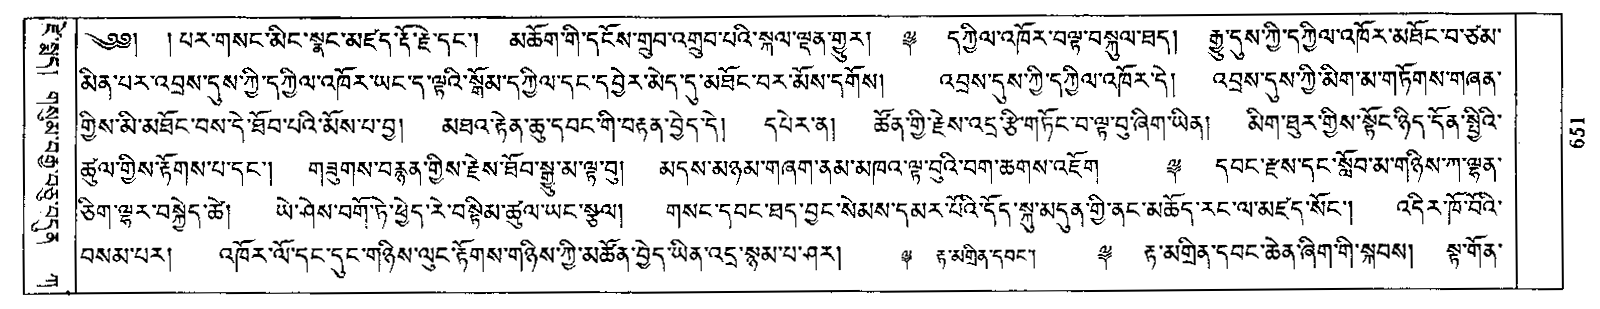༄༅། །པར་གསང་མིང་སྣང་མཛད་རྡོ་རྗེ་དང་། མཆོག་གི་དངོས་གྲུབ་འགྲུབ་པའི་སྐལ་ལྡན་གྱུར། ༈ དཀྱིལ་འཁོར་བལྟ་བསྐུལ་ཐད། རྒྱུ་དུས་ཀྱི་དཀྱིལ་འཁོར་མཐོང་བ་ཙམ་
མིན་པར་འབྲས་དུས་ཀྱི་དཀྱིལ་འཁོར་ཡང་ད་ལྟའི་སྒོམ་དཀྱིལ་དང་དབྱེར་མེད་དུ་མཐོང་བར་མོས་དགོས། འབྲས་དུས་ཀྱི་དཀྱིལ་འཁོར་དེ། འབྲས་དུས་ཀྱི་མིག་མ་གཏོགས་གཞན་
གྱིས་མི་མཐོང་བས་དེ་ཐོབ་པའི་མོས་པ་བྱ། མཐའ་རྟེན་ཆུ་དབང་གི་བརྟན་བྱེད་དེ། དཔེར་ན། ཚོན་གྱི་རྗེས་འདྲ་རྩི་གཏོང་བ་ལྟ་བུ་ཞིག་ཡིན། མིག་ཐུར་གྱིས་སྟོང་ཉིད་དོན་སྤྱིའི་
ཚུལ་གྱིས་རྟོགས་པ་དང་། གཟུགས་བརྙན་གྱིས་རྗེས་ཐོབ་སྒྱུ་མ་ལྟ་བུ། མདས་མཉམ་གཞག་ནམ་མཁའ་ལྟ་བུའི་བག་ཆགས་འཇོག ༈ དབང་རྫས་དང་སློབ་མ་གཉིས་ཀ་ལྷན་
ཅིག་ལྷར་བསྐྱེད་ཚེ། ཡེ་ཤེས་བགོ་ཏེ་ཕྱེད་རེ་བསྟིམ་ཚུལ་ཡང་སྩལ། གསང་དབང་ཐད་བྱང་སེམས་དམར་པོའི་དོད་སྐུ་མདུན་གྱི་ནང་མཆོད་རང་ལ་མཛད་སོང་། འདིར་ཁོ་བོའི་
བསམ་པར། འཁོར་ལོ་དང་དུང་གཉིས་ལུང་རྟོགས་གཉིས་ཀྱི་མཚོན་བྱེད་ཡིན་འདྲ་སྙམ་པ་ཤར། ༈ རྟ་མགྲིན་དབང་། ༈ རྟ་མགྲིན་དབང་ཆེན་ཞིག་གི་སྐབས། སྟ་གོན་